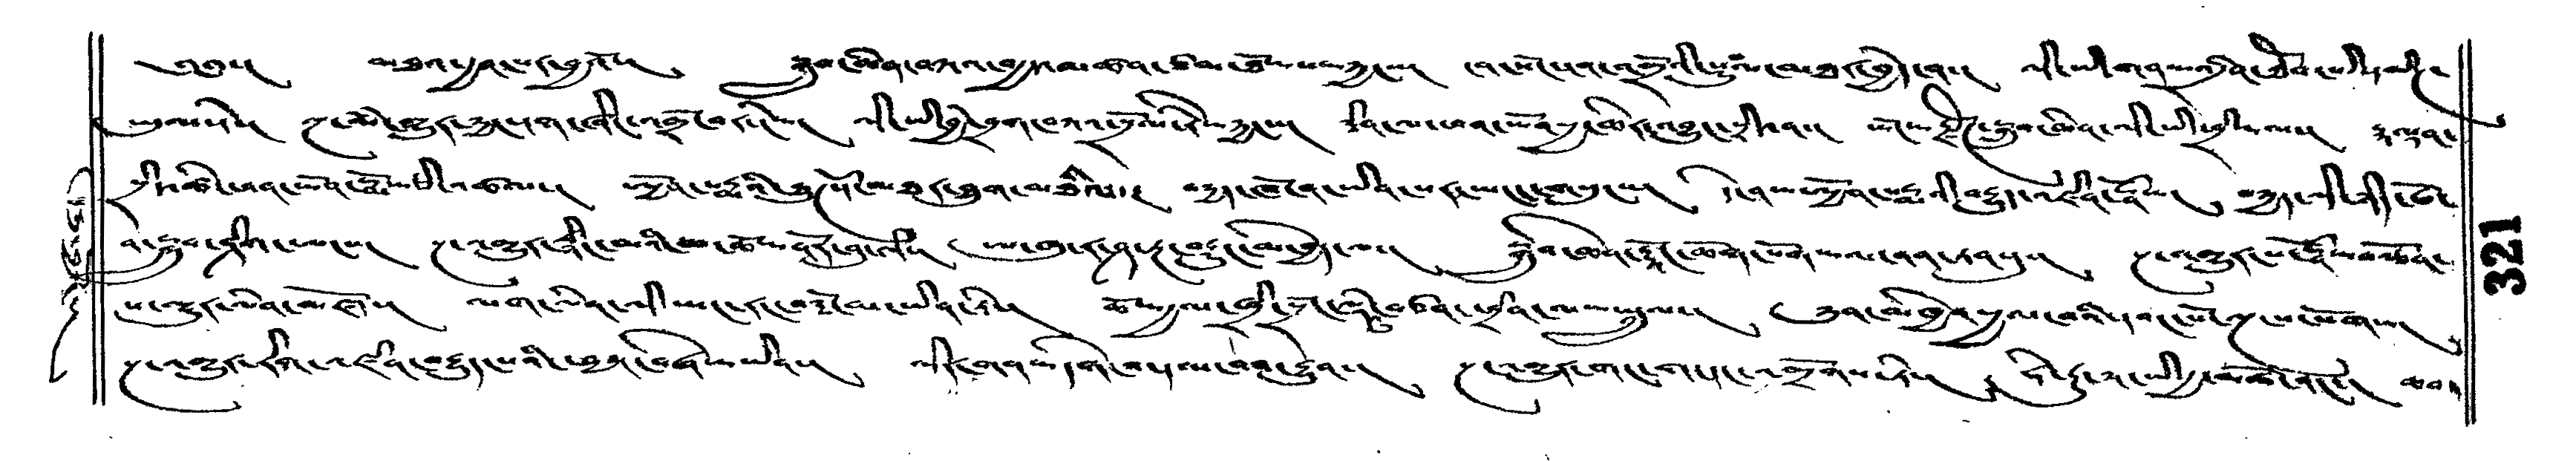མཐའ་བརྒྱན་པར་བྱའོ།། སྒྲུབ་ཆེན་བཀའ་བརྒྱད་མཚན་ཙམ་ཐོས་པས་ཀྱང་། །ངན་སོང་ངན་འགྲོའི་སྡུག་བསྔལ་མཐར་བྱེད་ན། །འདི་ཡི་གནས་འདྲེན་ཐོབ་པའི་དམིགས་
ཡུལ་དེ། །ལྔ་ལམ་གྱུར་ཀྱང་དག་ཞིང་འགྲོ་བར་ངེས། །འདི་ཡི་བྱེ་བྲག་བཀའ་སྲོལ་རེ་རེས་ཀྱང་། །ཟིན་ལ་ཕན་ཡོན་རྒྱ་ཆེར་འབྱུང་སྲིད་ན། །ཡོངས་རྫོགས་སྒྲུབ་ཆེན་འདི་ཡི་ཕྲིན་ལས་ལ། །སྐལ་ལྡན་
སྲིད་ཚེ་ཕན་ཡོན་སྨོས་ཅི་འཚལ། །ཨོ་རྒྱན་པདྨའི་ཐུགས་དམ་མཐར་ཐུག་མཐིལ། །བཀའ་བརྒྱད་ཁོ་ན་ཡིན་པར་ཡང་ཡང་གསུངས། །དེས་ན་ཨོ་རྒྱན་པདྨའི་བརྒྱུད་འཛིན་རྣམས། །བཀའ་བརྒྱད་འདི་ཉིད་ཁོ་
ན་སྒྲུབས་ཤིག་ཨང་། །སྔ་འགྱུར་རྙིང་མའི་ཕ་ཆོས་ནོར་བུ་འདི། །ཨ་ཁུ་ར་ཤ་རྔ་རྡུང་མ་བྱེད་ལ། །སྒྲུབ་ཆེན་སྐོང་ཆོག་སོགས་ལ་ནན་ཏན་དུ། །སྔ་འགྱུར་པ་རྣམས་བརྩོན་
པ་ལྷུར་ལེན་ལེན་མཛོད། །ལག་ལེན་འདི་ཡང་རང་བཟོ་མ་ཡིན་ཏེ། །ཆོས་རྒྱལ་ཁྲི་སྲོང་ལྡེའུ་བཙན་ཕྲིན་ལས་སྤྲུལ། །ཀུན་མཁྱེན་རྒྱལ་བའི་དབང་པོ་ལྔ་པ་སོགས། །
སྔ་འགྱུར་རིག་འཛིན་བརྒྱུད་པའི་ཕྱག་བཞེས་ཡིན། །འདིར་འབད་དགེ་བ་དལ་འབབ་རྒྱུན། །སྔ་འགྱུར་གངྒ་དང་འགྲོགས་ཏེ། །ཧེ་རུ་ཀ་ཡི་རྒྱ་མཚོའི་ནང་། །ཆབས་